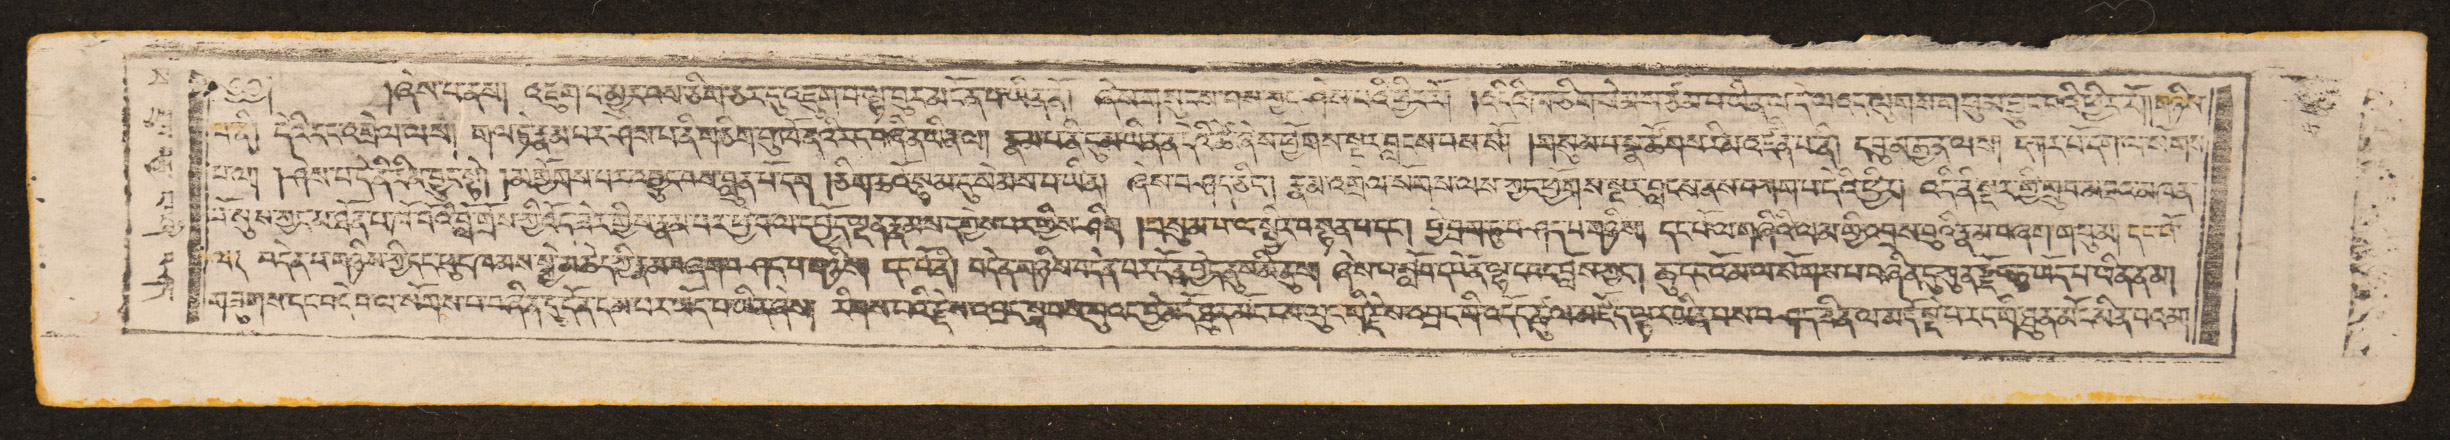༄༅། །ཞེས་པ་ནས། འཇུག་པ་མྱུར་བས་ཅིག་ཅར་དུ་འཇུག་པ་ལྟ་བུར་མངོན་པ་ཡིན་ནོ། ཞེས་གསུངས་པས་ཀྱང་ཤེས་པའི་ཕྱིར་རོ། །འདིའི་ཁ་ཅིག་སེམས་ཙམ་པ་ཡིན་ལ་དེ་ལའང་ལུགས་གསུམ་བྱུང་བའི་ཕྱིར་རོ། །གཉིས་
པ་ནི། དེའི་རང་འགྲེལ་ལས། གལ་ཏེ་རྣམ་པར་ཤེས་པ་ནི་གཅིག་པུ་ཁོ་ནའི་རང་བཞིན་ཡིན་ལ། རྣམ་པ་ནི་དུ་མ་ཡིན་ན་དེའི་ཚེ་ཞེས་ཕྱོགས་སྔར་བླངས་པས་སོ། །གསུམ་པ་སྣ་ཚོགས་རིམ་འཛིན་པ་ནི། དབུ་མ་རྒྱན་ལས། དཀར་པོ་དག་ལ་སོགས་
པ་ལ། །ཤེས་པ་དེ་ནི་རིམ་བྱུང་སྟེ། །མགྱོགས་པར་འབྱུང་བས་བླུན་པོ་དག །ཅིག་ཆའོ་སྙམ་དུ་སེམས་པ་ཡིན། ཞེས་བཤད་ཅིང་། རྣམ་འགྲེལ་སོགས་ལས་ཀྱང་ཕྱོགས་སྔར་བླངས་ནས་བཀག་པ་དེའི་ཕྱིར། འདི་ནི་སྔར་གྱི་གྲུབ་མཐའ་མཁན་
པོ་སུས་ཀྱང་མ་ཐོན་པ་ཁོ་བོའི་བློ་གྲོས་ཀྱི་འོད་ཟེར་གྱིས་རྣམ་པར་ཕྱེ་བ་ལ་དཔྱོད་ལྡན་རྣམས་དགྱེས་པར་གྱིས་ཤིག །གསུམ་པ་ལ་སྤྱིར་བསྟན་པ་དང་། བྱེ་བྲག་ཏུ་བཤད་པ་གཉིས། དང་པོ་ལ་གཞིའི་ལམ་གྱི་འབྲས་བུའི་རྣམ་བཞག་གསུམ། དང་པོ་
ལ། བདེན་པ་གཉིས་ཀྱི་ངང་ཕུང་ཁམས་སྐྱེ་མཆེད་ཀྱི་རྣམ་བཞག་བཤད་པ་གཉིས། དང་པོ་ནི། བདེན་གཉིས་བདེན་པར་དོན་བྱེད་ནུས་མི་ནུས། ཞེས་པ་སློབ་དཔོན་ལྷ་དབང་བློས་ཀྱང་། ཆུ་དང་འོ་མ་ལ་སོགས་པ་བཞིན་དུ་ཀུན་རྫོབ་ཏུ་ཡོད་པ་ཡིན་ནམ།
གཟུགས་དང་བདེ་བ་ལ་སོགས་བ་བཞིན་དུ་དོན་དམ་པར་ཡོད་པ་ཡིན་ཞེས། རིགས་པའི་རྗེས་འབྲང་སྐབས་སུ་འང་བྱེ་མདོ་ཐུན་མོང་ངམ་ལུང་གི་རྗེས་འབྲང་གི་འདོད་ཚུལ་མཛོད་ལྟར་ཡིན་པས་བཤད་ཟིན་ལ་མདོ་སྡེ་པ་རང་གི་ཐུན་མོང་མིན་པའམ།